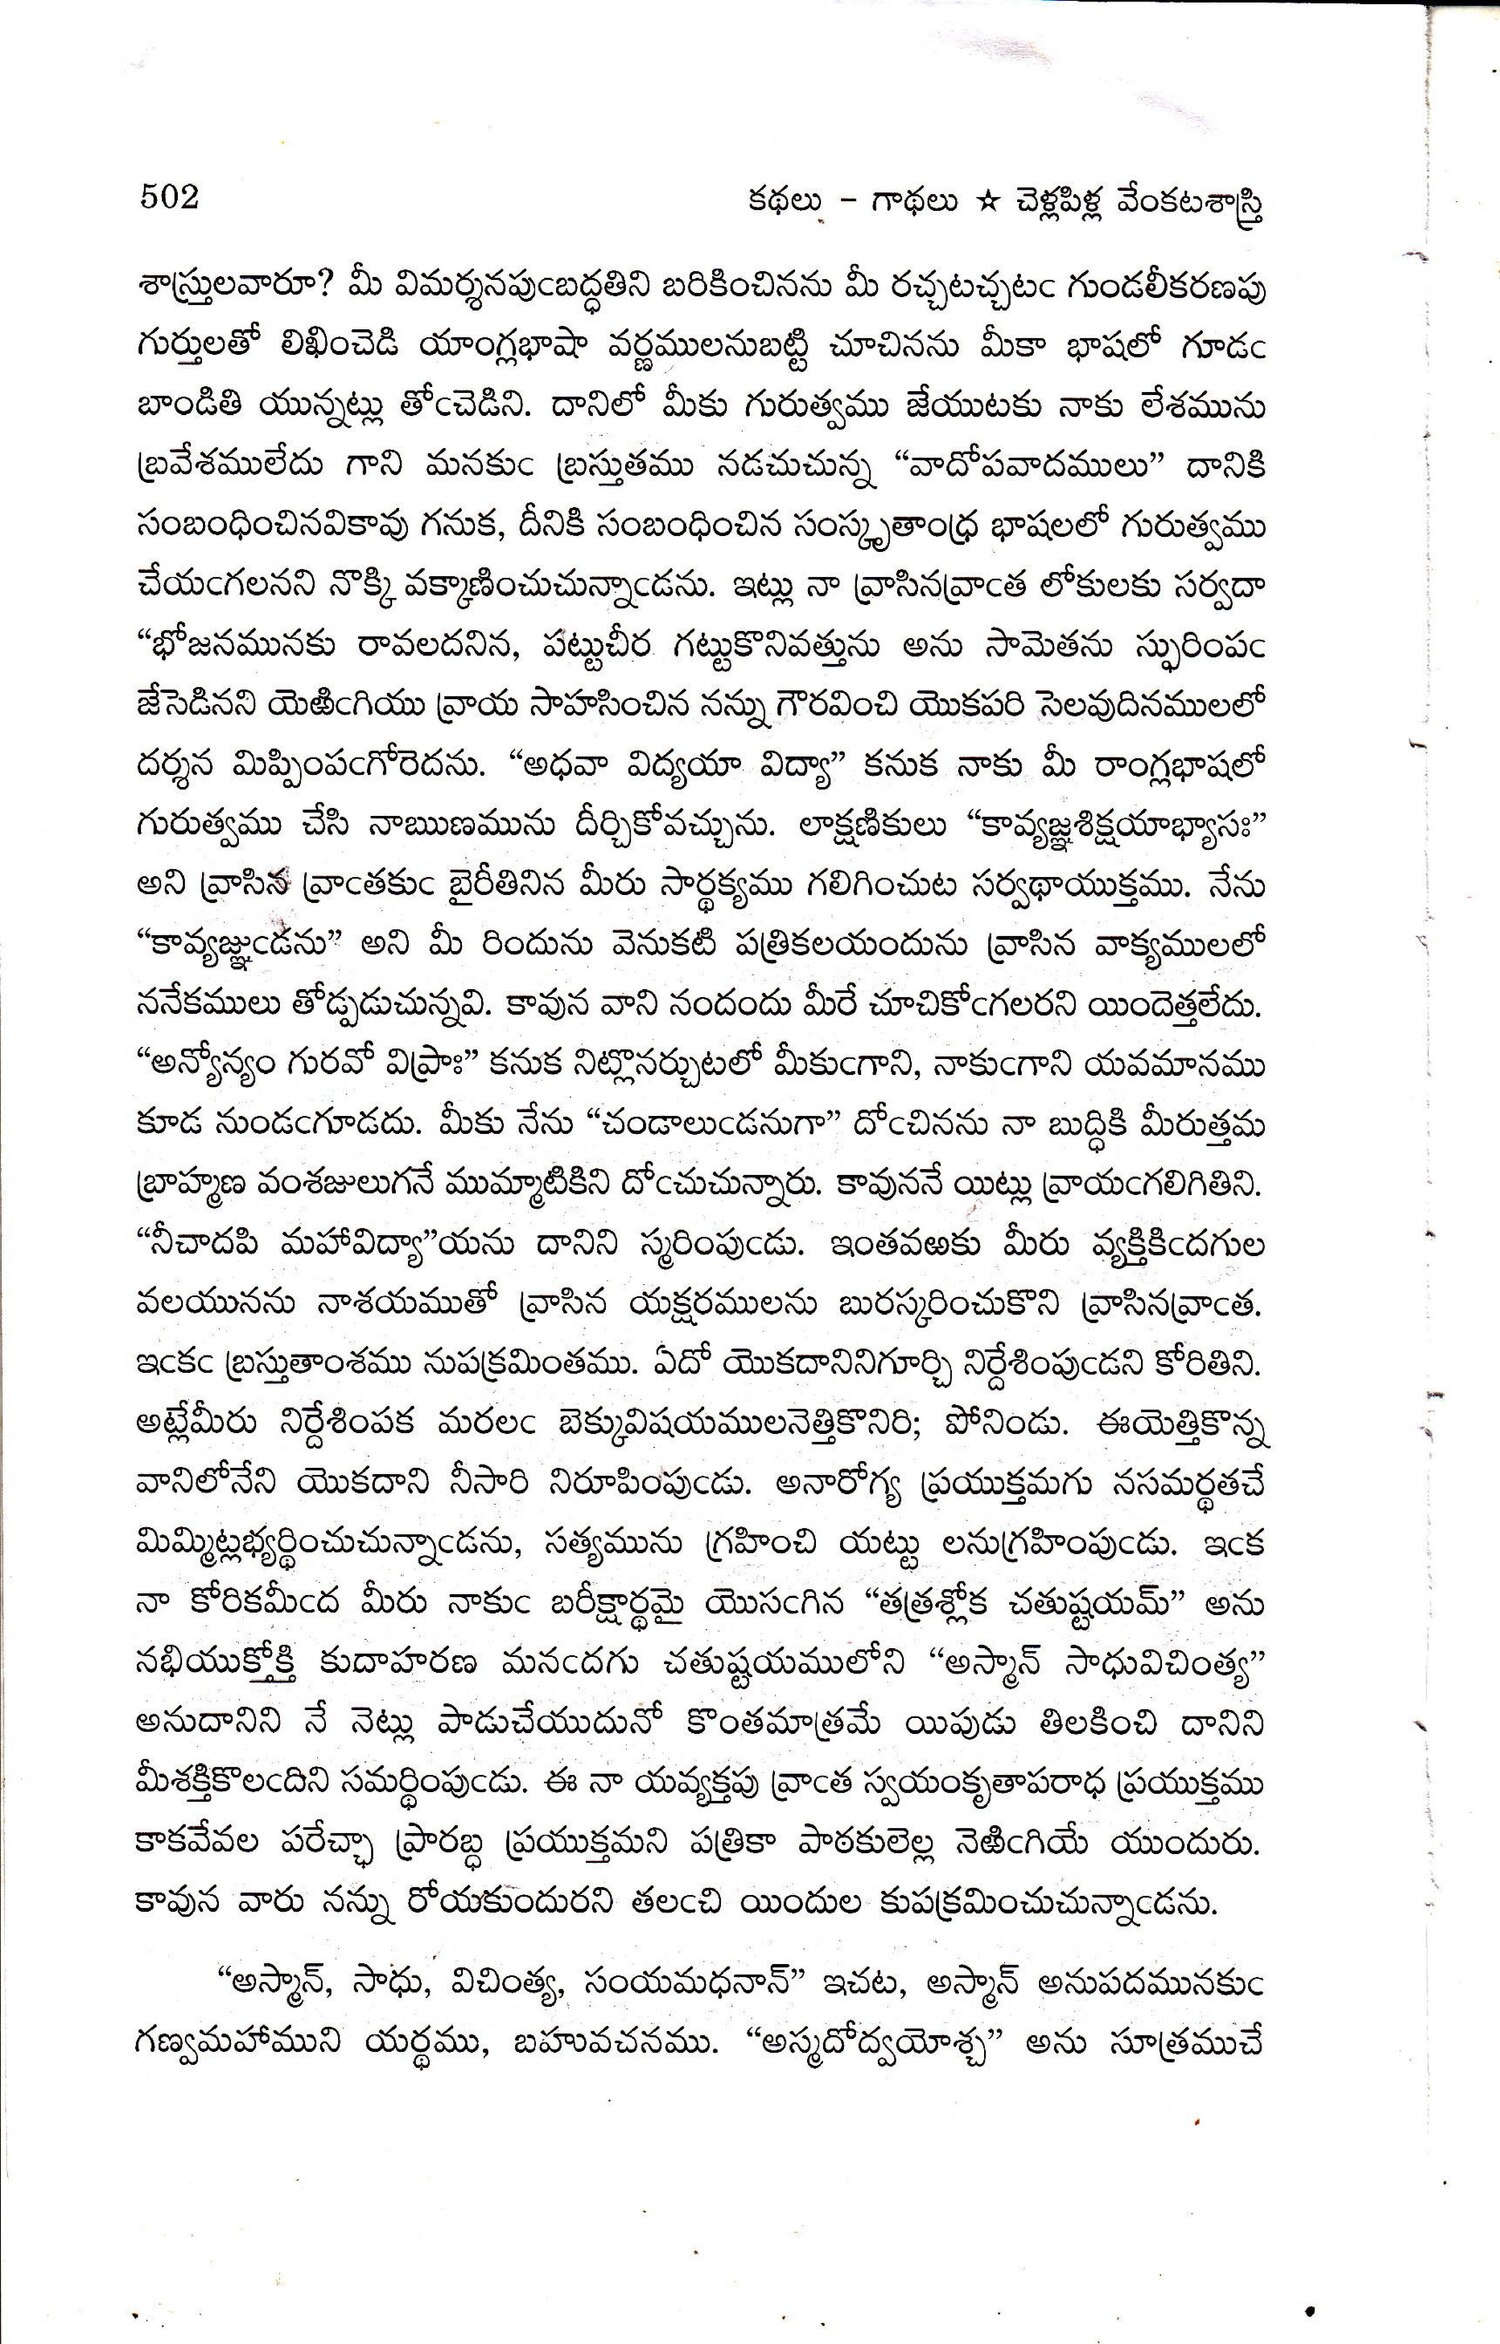శాస్త్రులవారూ? మీ విమర్శనపుcబద్ధతిని బరికించినను మీ రచ్చటచ్చటఁ గుండలీకరణపు గుర్తులతో లిఖించెడి యాంగ్లభాషా వర్ణములనుబట్టి చూచినను మీకా భాషలో గూడఁ బాండితి యున్నట్లు తోcచెడిని. దానిలో మీకు గురుత్వము జేయుటకు నాకు లేశమును బ్రవేశములేదు గాని మనకుఁ బ్రస్తుతము నడచుచున్న "వాదోపవాదములు" దానికి సంబంధించినవికావు గనుక, దీనికి సంబంధించిన సంస్కృతాంధ్ర భాషలలో గురుత్వము చేయఁగలనని నొక్కి వక్కాణించుచున్నాఁడను. ఇట్లు నా వ్రాసినవ్రాఁత లోకులకు సర్వదా "భోజనమునకు రావలదనిన, పట్టుచీర గట్టుకొనివత్తును అను సామెతను స్ఫురింపఁ జేసెడినని యెఱిఁగియు వ్రాయ సాహసించిన నన్ను గౌరవించి యొకపరి సెలవుదినములలో దర్శన మిప్పింపఁగోరెదను. “అధవా విద్యయా విద్యా" కనుక నాకు మీ రాంగ్లభాషలో గురుత్వము చేసి నాఋణమును దీర్చికోవచ్చును. లాక్షణికులు "కావ్యజ్ఞశిక్షయాభ్యాసః" అని వ్రాసిన వ్రాఁతకుఁ బైరీతినిన మీరు సార్థక్యము గలిగించుట సర్వథాయుక్తము. నేను "కావ్యజ్ఞుఁడను" అని మీ రిందును వెనుకటి పత్రికలయందును వ్రాసిన వాక్యములలో ననేకములు తోడ్పడుచున్నవి. కావున వాని నందందు మీరే చూచికోఁగలరని యిందెత్తలేదు. "అన్యోన్యం గురవో విప్రాః" కనుక నిట్లొనర్చుటలో మీకుఁగాని, నాకుఁగాని యవమానము కూడ నుండఁగూడదు. మీకు నేను "చండాలుఁడనుగా" దోఁచినను నా బుద్ధికి మీరుత్తమ బ్రాహ్మణ వంశజులుగనే ముమ్మాటికిని దోఁచుచున్నారు. కావుననే యిట్లు వ్రాయఁగలిగితిని. "నీచాదపి మహావిద్యా"యను దానిని స్మరింపుఁడు. ఇంతవఱకు మీరు వ్యక్తికిఁదగుల వలయునను నాశయముతో వ్రాసిన యక్షరములను బురస్కరించుకొని వ్రాసినవ్రాఁత. ఇఁకఁ బ్రస్తుతాంశము నుపక్రమింతము. ఏదో యొకదానినిగూర్చి నిర్దేశింపుఁడని కోరితిని. అట్లేమీరు నిర్దేశింపక మరలఁ బెక్కువిషయములనెత్తికొనిరి; పోనిండు. ఈయెత్తికొన్న వానిలోనేని యొకదాని నీసారి నిరూపింపుఁడు. అనారోగ్య ప్రయుక్తమగు నసమర్థతచే మిమ్మిట్లభ్యర్థించుచున్నాఁడను, సత్యమును గ్రహించి యట్టు లనుగ్రహింపుఁడు. ఇఁక నా కోరికమీంద మీరు నాకుc బరీక్షార్థమై యొసఁగిన “తత్ర శ్లోక చతుష్టయమ్" అను నభియుక్తోక్తి కుదాహరణ మనఁదగు చతుష్టయములోని "అస్మాన్ సాధువిచింత్య" అనుదానిని నే నెట్లు పాడుచేయుదునో కొంతమాత్రమే యిపుడు తిలకించి దానిని మీశక్తికొలఁదిని సమర్ధింపుఁడు. ఈ నా యవ్యక్తపు వ్రాఁత స్వయంకృతాపరాధ ప్రయుక్తము కాకవేవల పరేచ్ఛా ప్రారబ్ద ప్రయుక్తమని పత్రికా పాఠకులెల్ల నెఱిఁగియే యుందురు. కావున వారు నన్ను రోయకుందురని తలఁచి యిందుల కుపక్రమించుచున్నాఁడను.

"అస్మాన్, సాధు, విచింత్య, సంయమధనాన్" ఇచట, అస్మాన్ అనుపదమునకుఁ గణ్వమహాముని యర్థము, బహువచనము. “అస్మదోద్వయోశ్చ" అను సూత్రముచే